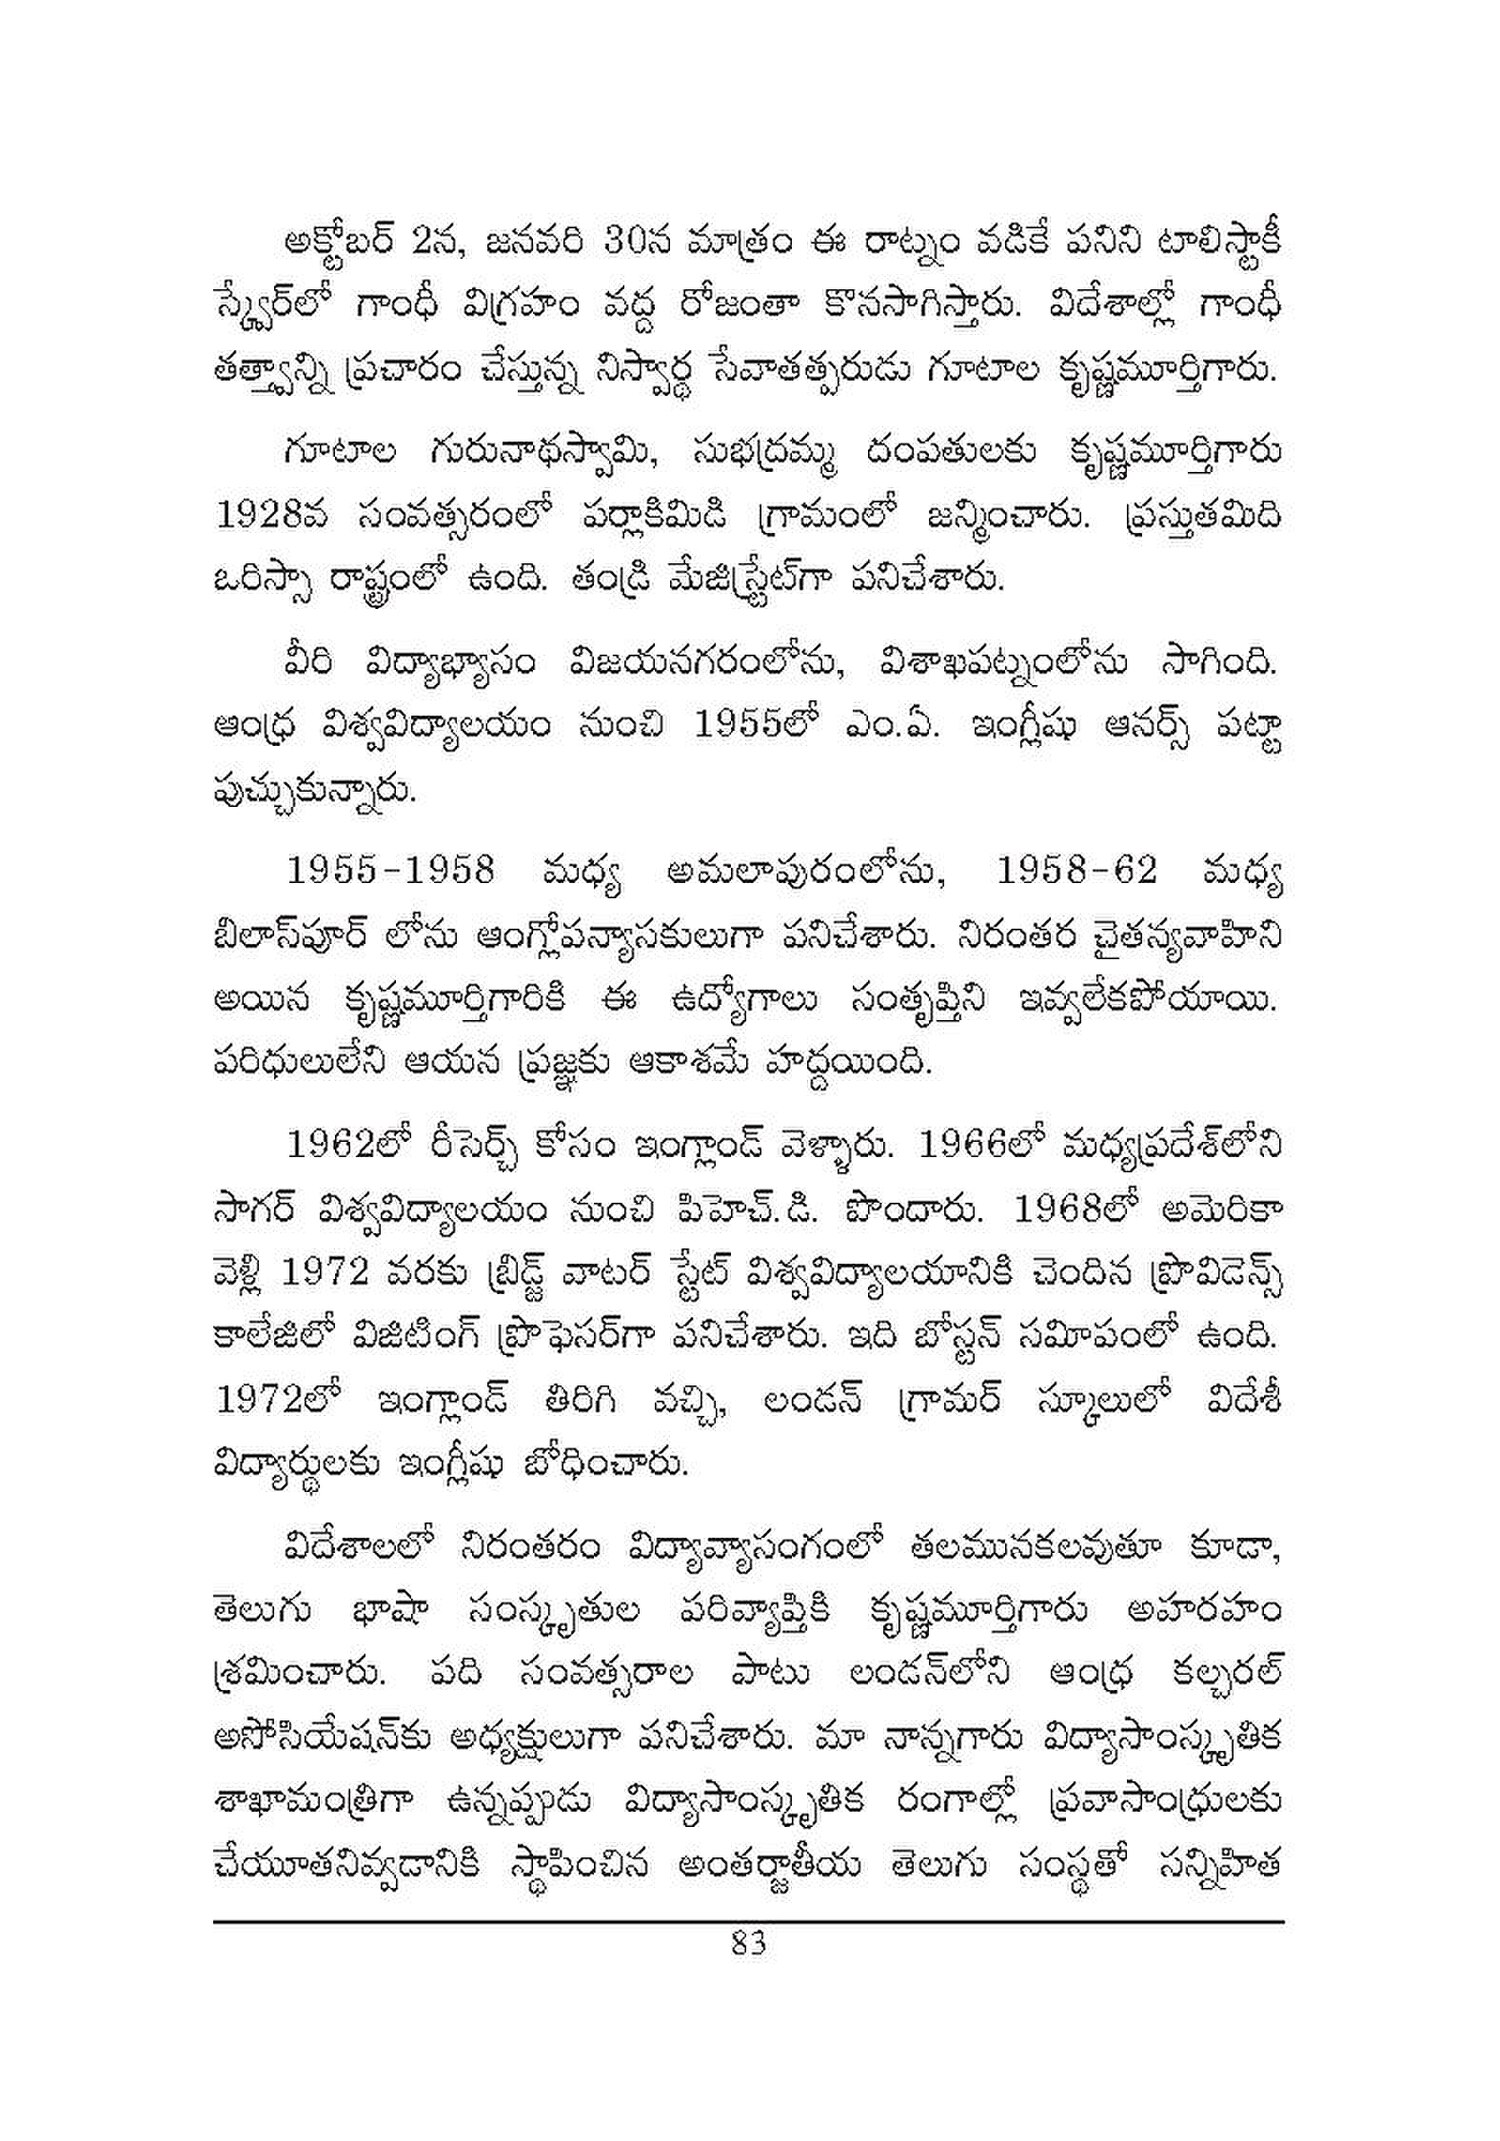అక్టోబర్ 2న, జనవరి 30న మాత్రం ఈ రాట్నం వడికే పనిని టాలిస్టాకీ స్క్వేర్‌లో గాంధీ విగ్రహం వద్ద రోజంతా కొనసాగిస్తారు. విదేశాల్లో గాంధీ తత్త్వాన్ని ప్రచారం చేస్తున్న నిస్వార్థ సేవాతత్పరుడు గూటాల కృష్ణమూర్తిగారు.

గూటాల గురునాథస్వామి, సుభద్రమ్మ దంపతులకు కృష్ణమూర్తిగారు 1928వ సంవత్సరంలో పర్లాకిమిడి గ్రామంలో జన్మించారు. ప్రస్తుతమిది ఒరిస్సా రాష్ట్రంలో ఉంది. తండ్రి మేజిస్ట్రేట్గా పనిచేశారు.

వీరి విద్యాభ్యాసం విజయనగరంలోను, విశాఖపట్నంలోను సాగింది. ఆంధ్ర విశ్వవిద్యాలయం నుంచి 1955లో ఎం.ఏ. ఇంగ్లీషు ఆనర్స్ పట్టా పుచ్చుకున్నారు.

1955-1958 మధ్య అమలాపురంలోను, 1958-62 మధ్య బిలాస్పూర్ లోను ఆంగ్లోపన్యాసకులుగా పనిచేశారు. నిరంతర చైతన్యవాహిని అయిన కృష్ణమూర్తిగారికి ఈ ఉద్యోగాలు సంతృప్తిని ఇవ్వలేకపోయాయి. పరిధులులేని ఆయన ప్రజ్ఞకు ఆకాశమే హద్దయింది.

1962లో రీసెర్చ్ కోసం ఇంగ్లాండ్ వెళ్ళారు. 1966లో మధ్యప్రదేశ్లోని సాగర్ విశ్వవిద్యాలయం నుంచి పిహెచ్.డి. పొందారు. 1968లో అమెరికా వెళ్లి 1972 వరకు బ్రిడ్జ్ వాటర్ స్టేట్ విశ్వవిద్యాలయానికి చెందిన ప్రొవిడెన్స్ కాలేజిలో విజిటింగ్ ప్రొఫెసర్గా పనిచేశారు. ఇది బోస్టన్ సమీపంలో ఉంది. 1972లో ఇంగ్లాండ్ తిరిగి వచ్చి లండన్ గ్రామర్ స్కూలులో విదేశీ విద్యార్థులకు ఇంగ్లీషు బోధించారు.

విదేశాలలో నిరంతరం విద్యావ్యాసంగంలో తలమునకలవుతూ కూడా, తెలుగు భాషా సంస్కృతుల పరివ్యాప్తికి కృష్ణమూర్తిగారు అహరహం శ్రమించారు. పది సంవత్సరాల పాటు లండన్‌లోని ఆంధ్ర కల్చరల్ అసోసియేషన్కు అధ్యక్షులుగా పనిచేశారు. మా నాన్నగారు విద్యాసాంస్కృతికశాఖామంత్రిగా ఉన్నప్పుడు విద్యాసాంస్కృతిక రంగాల్లో ప్రవాసాంధ్రులకు చేయూతనివ్వడానికి స్థాపించిన అంతర్జాతీయ తెలుగు సంస్థతో సన్నిహిత